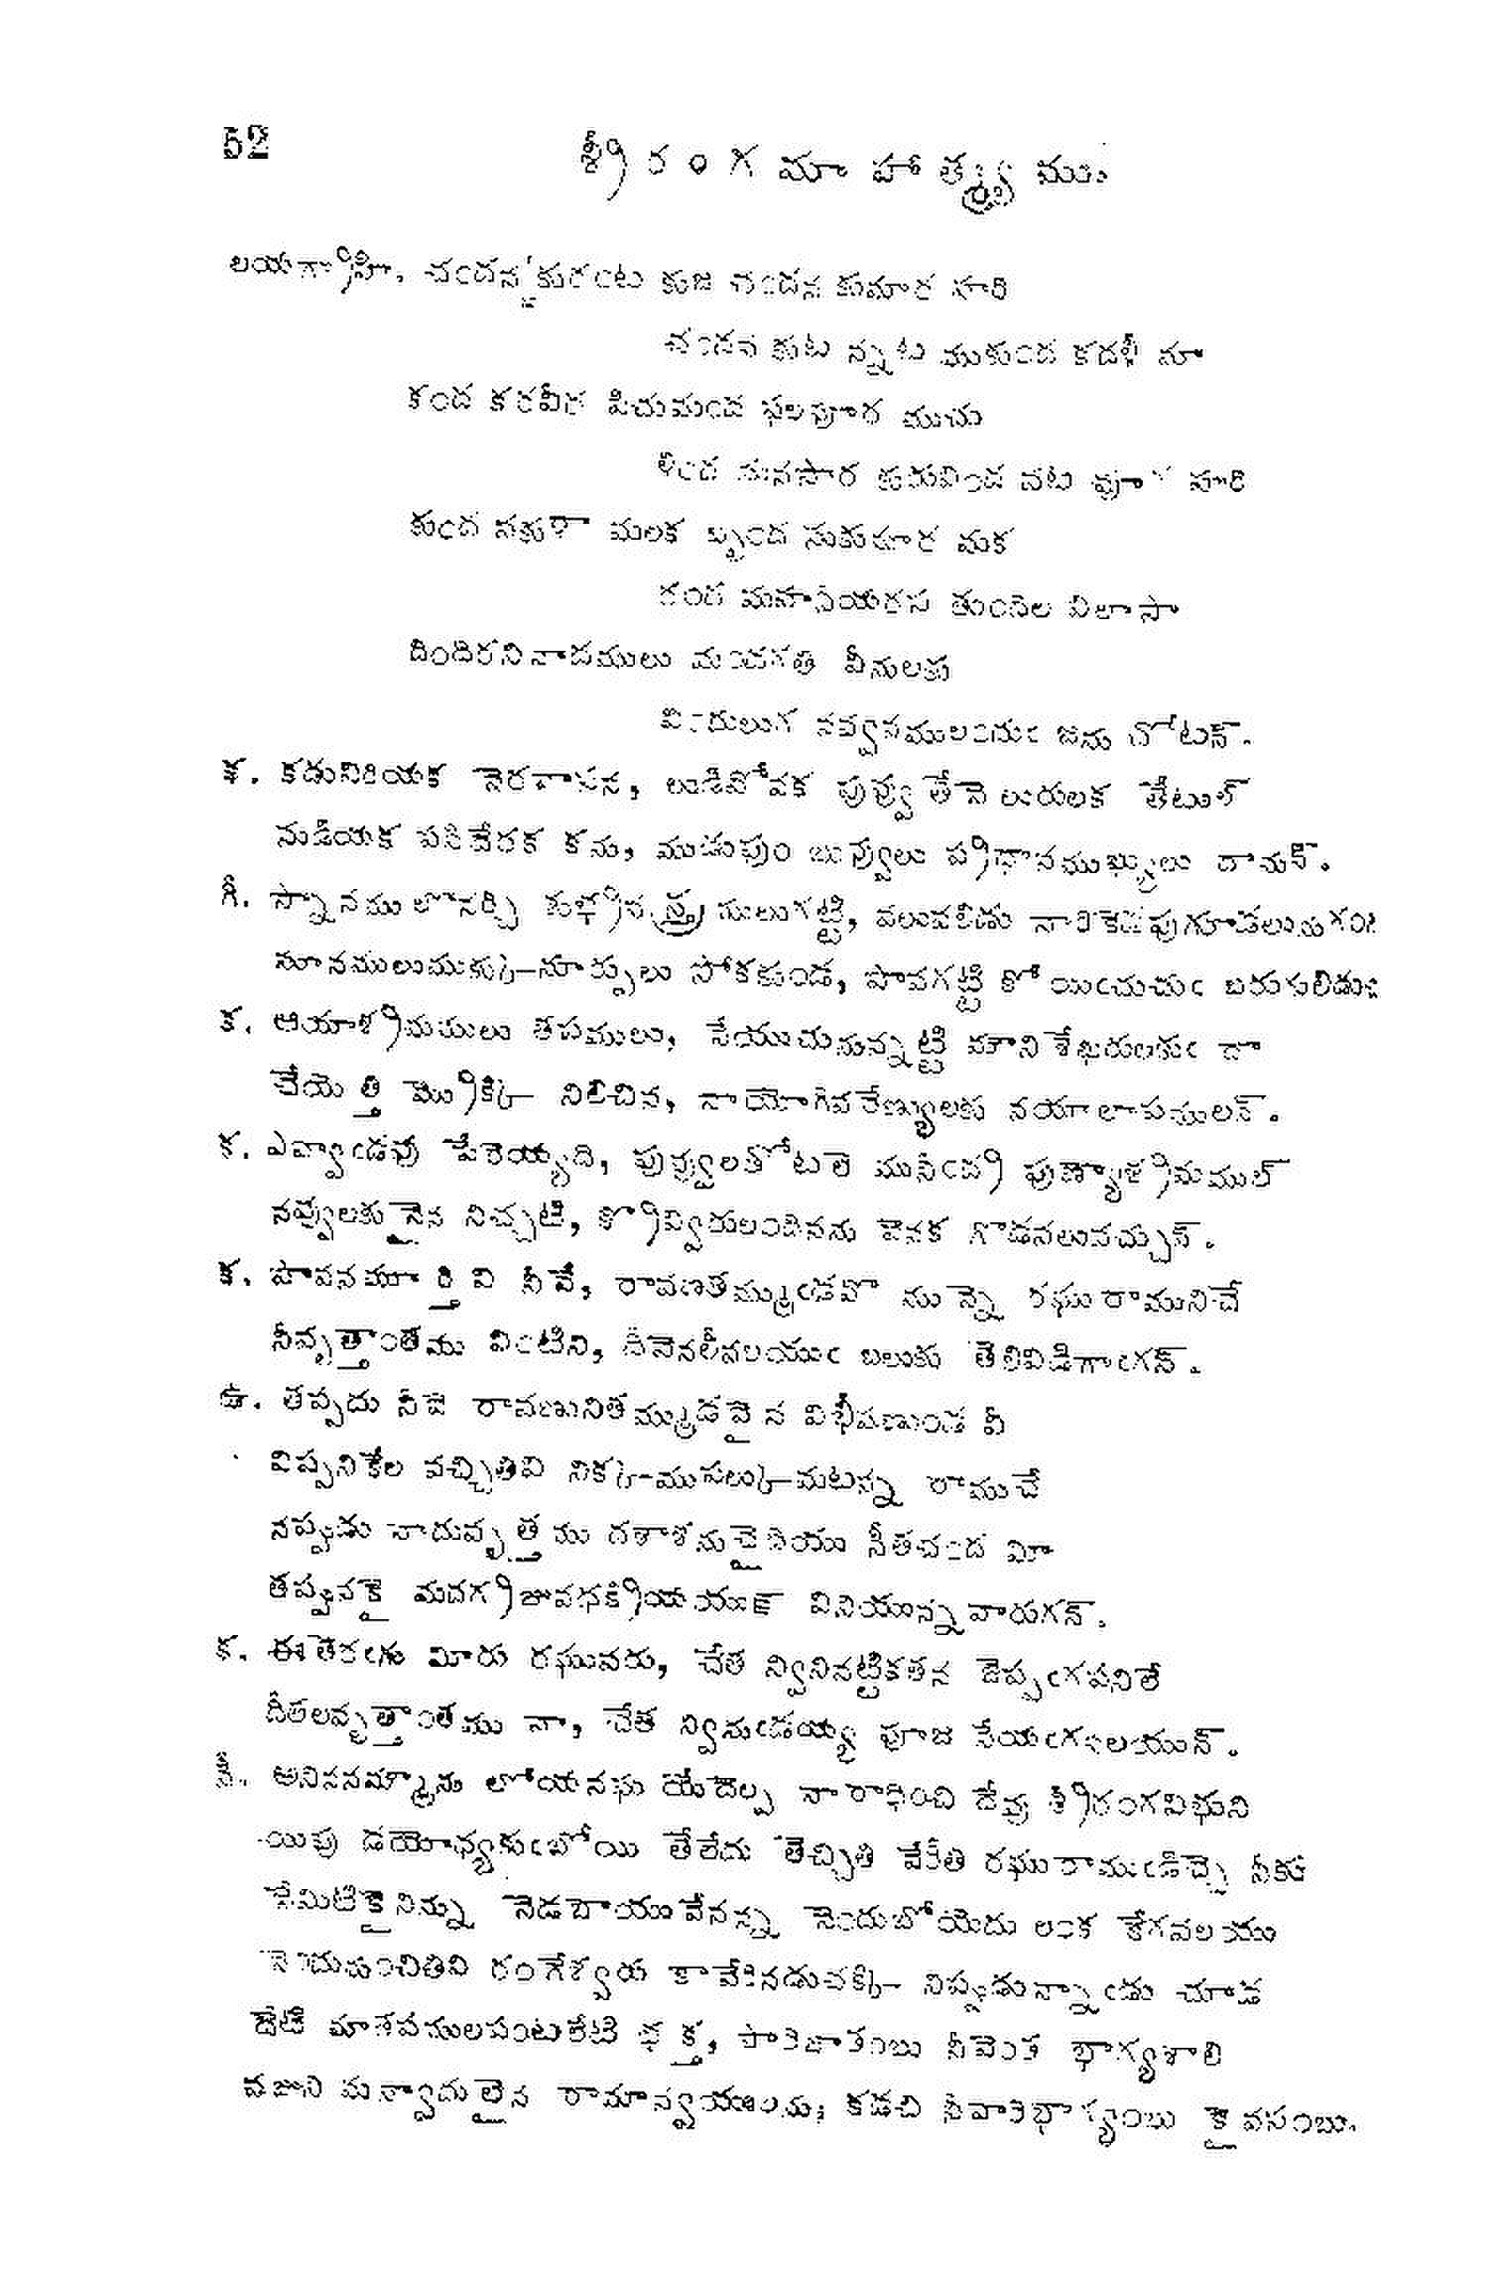లయగ్రాహి. చందన కురంట కుజ చందన కుమార హరి
 చందన కుట న్నట ముకుంద కదళీ మా
 కంద కరవీర పిచుమంద ఫలపూర ముచు
 ళింద మనసార కురువింద వట పూగ హరి
 కుంద వకుళా మలక బృంద సుకుమార మక
 రంద మహనీయరస తుందిల విలాసా
 దిందిరనినాదములు మందగతి వీనులకు
 విందులుగ నవ్వనములందుఁ జను చోటన్.
క. కడువిరియక నెరవాసన, లుడివోవక పువ్వుతేనె లురులక తేటుల్
 నుడియక పసిదేరక కను, ముడుపుం బువ్వులు ప్రధానముఖ్యులు దానున్.
గీ. స్నానము లొనర్చి శుభ్రవస్త్రములు గట్టి, వలువలిడు నారికెడపుగూడలును గంద
 నునములు ముక్కునూర్పులు సోకకుండ, పావగట్టి కోయించుచుఁ బరుకులిడుచు
క. ఆయాశ్రమములు తపములు, సేయుచునున్నట్టి మౌనిశేఖరులకుఁ దా
 చేయెత్తి మ్రొక్కి నిలిచిన, నాయోగివరేణ్యులకు నయాలాపములన్.
క. ఎవ్వాఁడవు పేరెయ్యది, పువ్వులతోటలె మునీంద్ర పుణ్యాశ్రమముల్
 నవ్వులకునైన నిచ్చటి, క్రొవ్విరు లందినను వెనక గొడవలు వచ్చున్.
క. పావనమూర్తివి నీవే, రావణతమ్ముఁడవొ మున్నె రఘురామునిచే
 నీవృత్తాంతము వింటిని, దీవెన లీవలయుఁ బలుకు తెలివిడిగాఁగన్.
ఉ. తప్పదు నీవె రావణునితమ్ముడవైన విభీషణుండ వీ
 విప్పని కేల వచ్చితివి నిక్కము పల్కుమటన్న రాముచే
 నప్పుడు నాదువృత్తము దశాశనుచైదియు సీతచంద మా
 తప్పునకై మదగ్రజువధక్రియయున్ వినియున్నవారుగన్.
క. ఈ తెరఁగు మీరు రఘువరు, చేత న్వినినట్టికతన జెప్పఁగ పనిలే
 దీతలవృత్తాంతము నా, చేత న్వినుఁడయ్య పూజ సేయఁగవలయున్.
సీ. అనిన నమ్మౌను లోయనఘ యేదెల్ప నారాధించి దేవు శ్రీరంగవిభుని
 యిపు డయోధ్యకుఁ బోయి తేలేదు తెచ్చితి వేరీతి రఘురాముఁ డిచ్చె నీకు
 నేమిటికై నిన్ను నెడబాయువేనన్న నెందుబోయెదు లంక కేగవలయు
 నెందునుంచితివి రంగేశ్వరు కావేరినడుచక్కి, నిప్పు డున్నాఁడు చూడ
 దేటి మాతపములపంటలేటి భక్త, పారిజాతంబు నీవెంత భాగ్యశాలి
 వజుని మన్వాదులైన రామాన్వయులను, కడచి నీవారిభాగ్యంబు కైవసంబు.